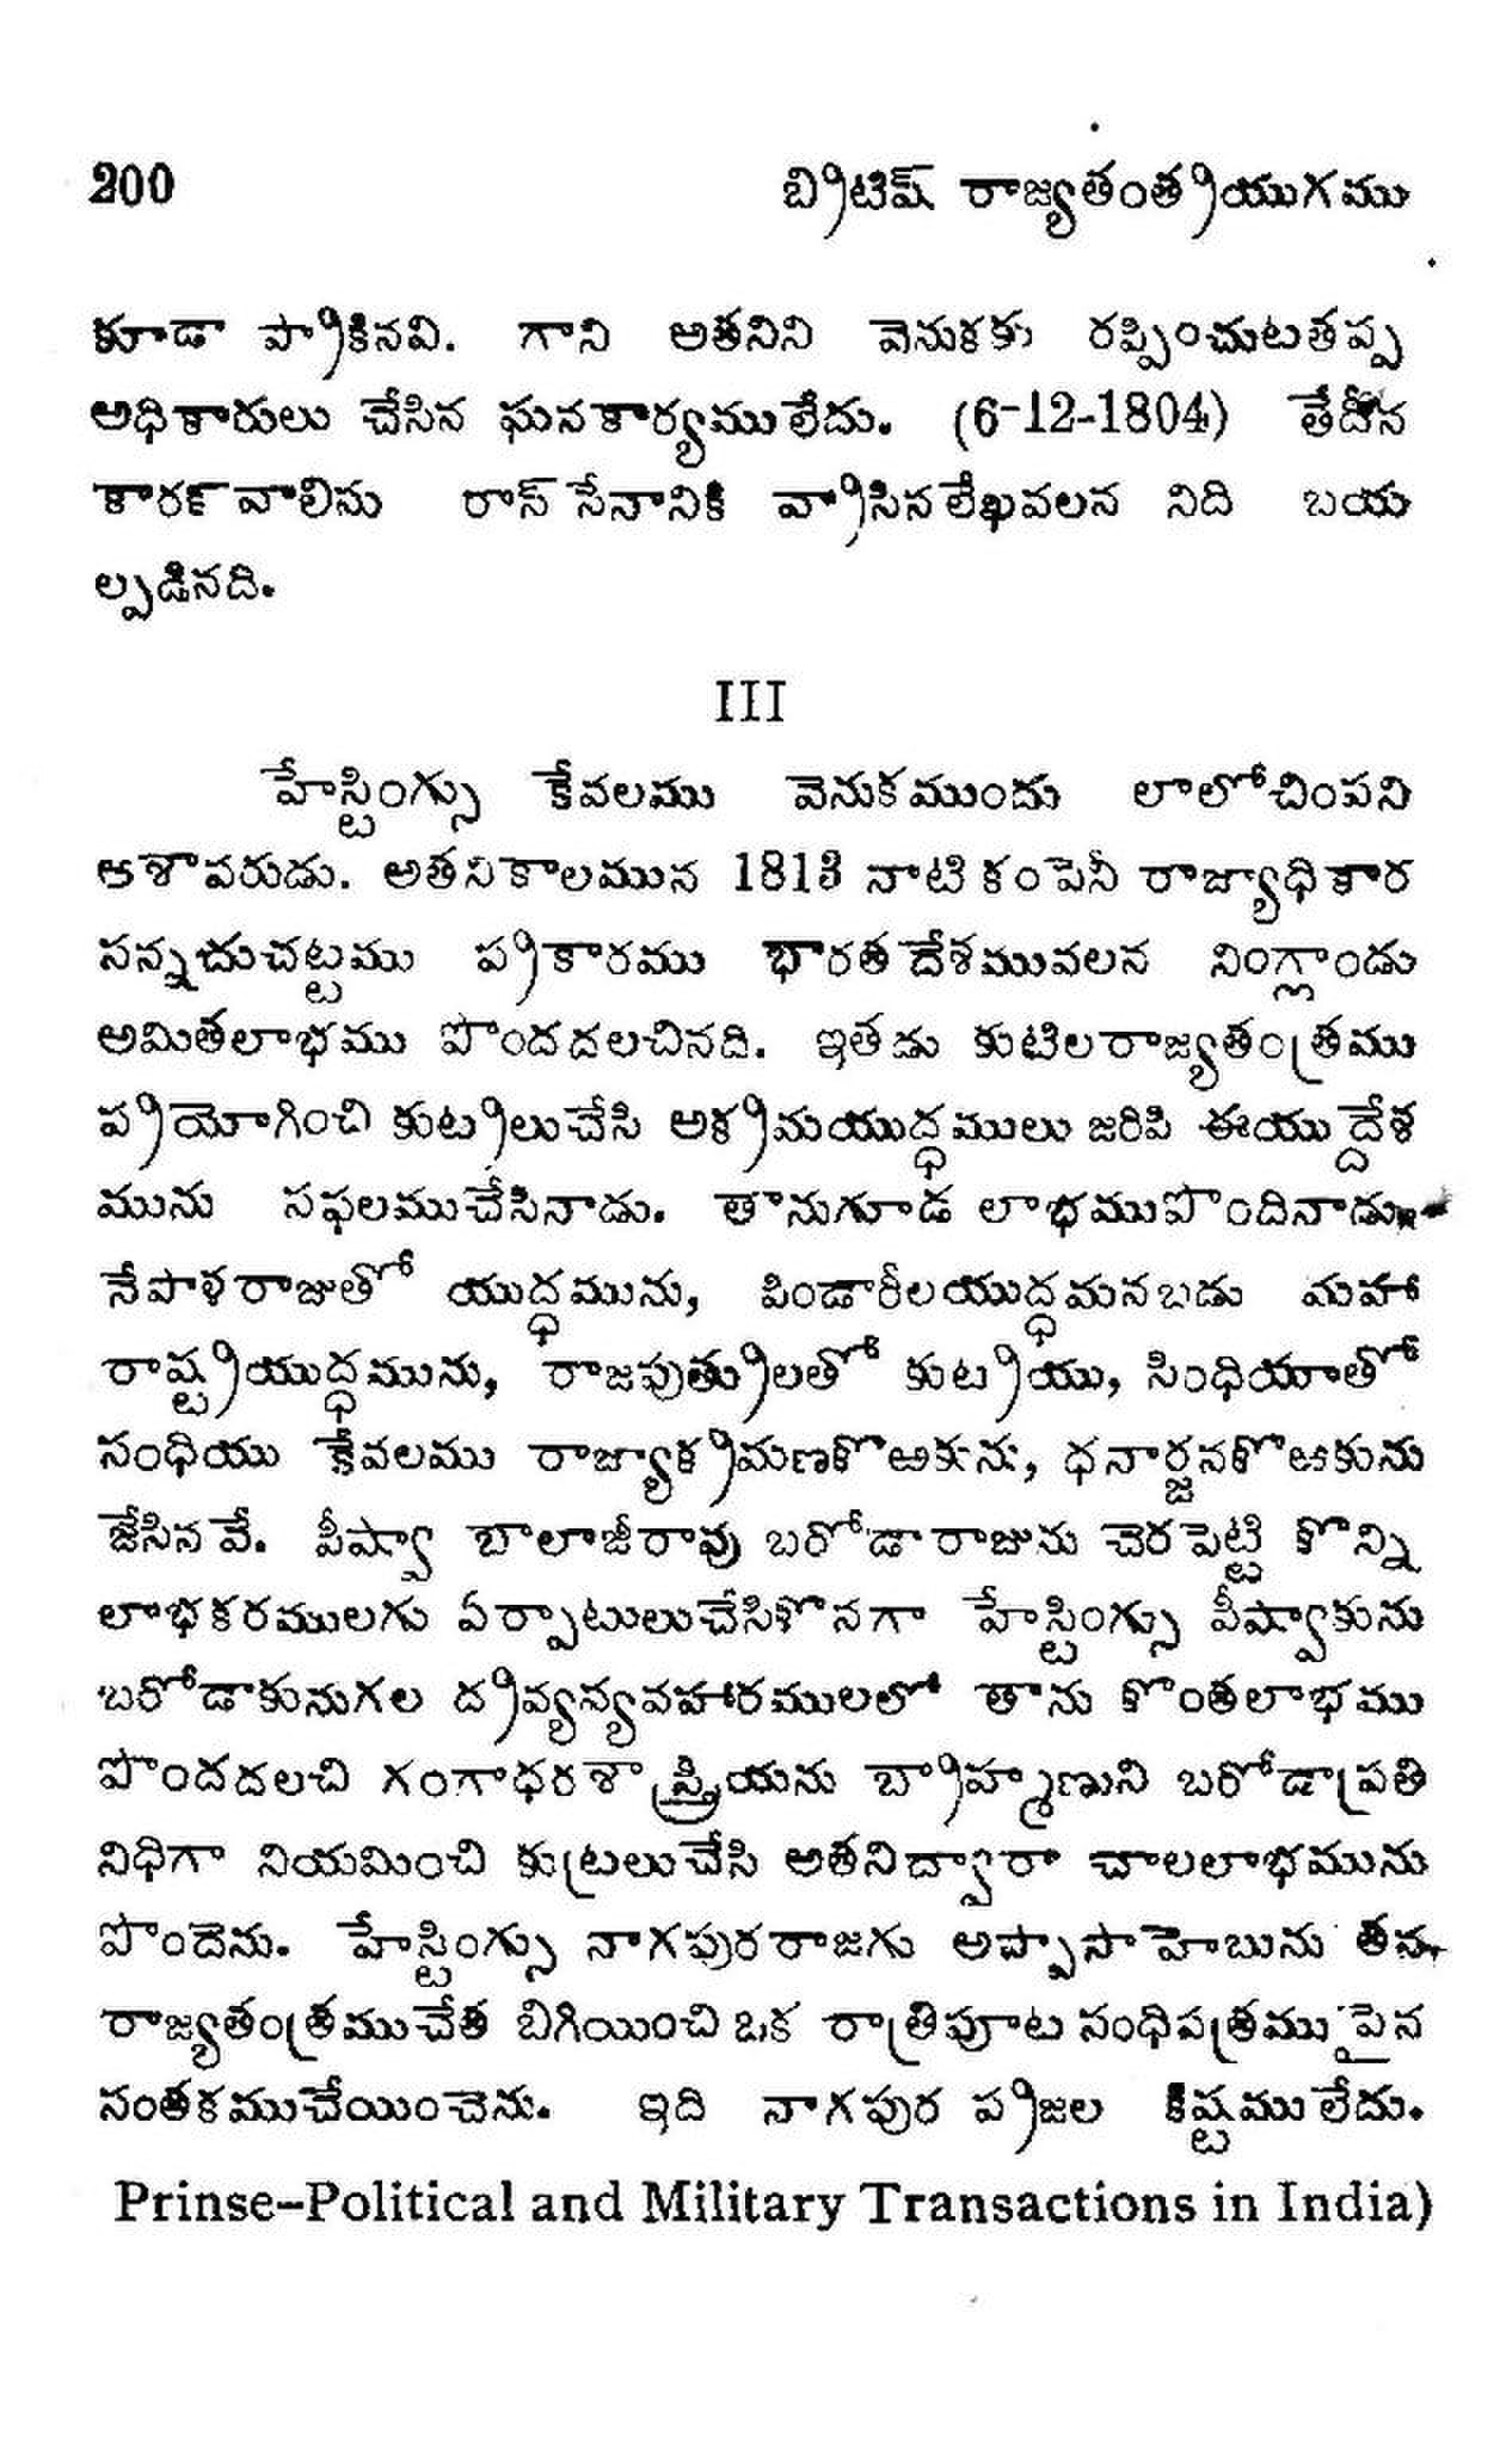కూడా ప్రాకినవి. గాని అతనిని వెనుకకు రప్పించుటతప్ప అధికారులు చేసిన ఘనకార్యములేదు. (6-12-1804) తేదీన కార౯వాలిను రాన్ సేనానికి వ్రాసినలేఖవలన నిది బయల్పడినది.

III 

హేస్టింగ్సు కేవలము వెనుకముందు లాలోచింపని ఆశాపరుడు. అతనికాలమున 1813 నాటి కంపెనీ రాజ్యాధికార సన్నదుచట్టము ప్రకారము భారతదేశమువలన నింగ్లాండు అమితలాభము పొందదలచినది. ఇతడు కుటిల రాజ్యతంత్రము ప్రయోగించి కుట్రలుచేసి అక్రమయుద్దములు జరిపి ఈయుద్దేశమును సఫలముచేసినాడు. తానుగూడ లాభముపొందినాడు. నేపాళరాజుతో యుద్ధమును, పిండారీల యుద్దమనబడు మహారాష్ట్రయుద్ధమును, రాజపుత్రులతో కుట్రయు, సింధియాతో సంధియు కేవలము రాజ్యాక్రమణకొఱకును, ధనార్జనకొఱకును జేసినవే. పీష్వా బాలాజీరావు బరోడారాజును చెరపెట్టి కొన్ని లాభకరములగు ఏర్పాటులుచేసికొనగా హేస్టింగ్సు పీష్వాకును బరోడాకునుగల ద్రవ్యవ్యవహారములలో తాను కొంతలాభము పొందదలచి గంగాధరశాస్త్రియను బాహ్మణుని బరోడాప్రతినిధిగా నియమించి కుట్రలుచేసి అతనిద్వారా చాలలాభమును పొందెను. హేస్టింగ్సు నాగపురరాజగు అప్పాసాహెబును తన రాజ్యతంత్రముచేత బిగియించి ఒక రాత్రిపూట సంధిపత్రముపైన సంతకముచేయించెను. ఇది నాగపుర ప్రజల కిష్టములేదు. (Prinse-Political and Military Transactions in India)